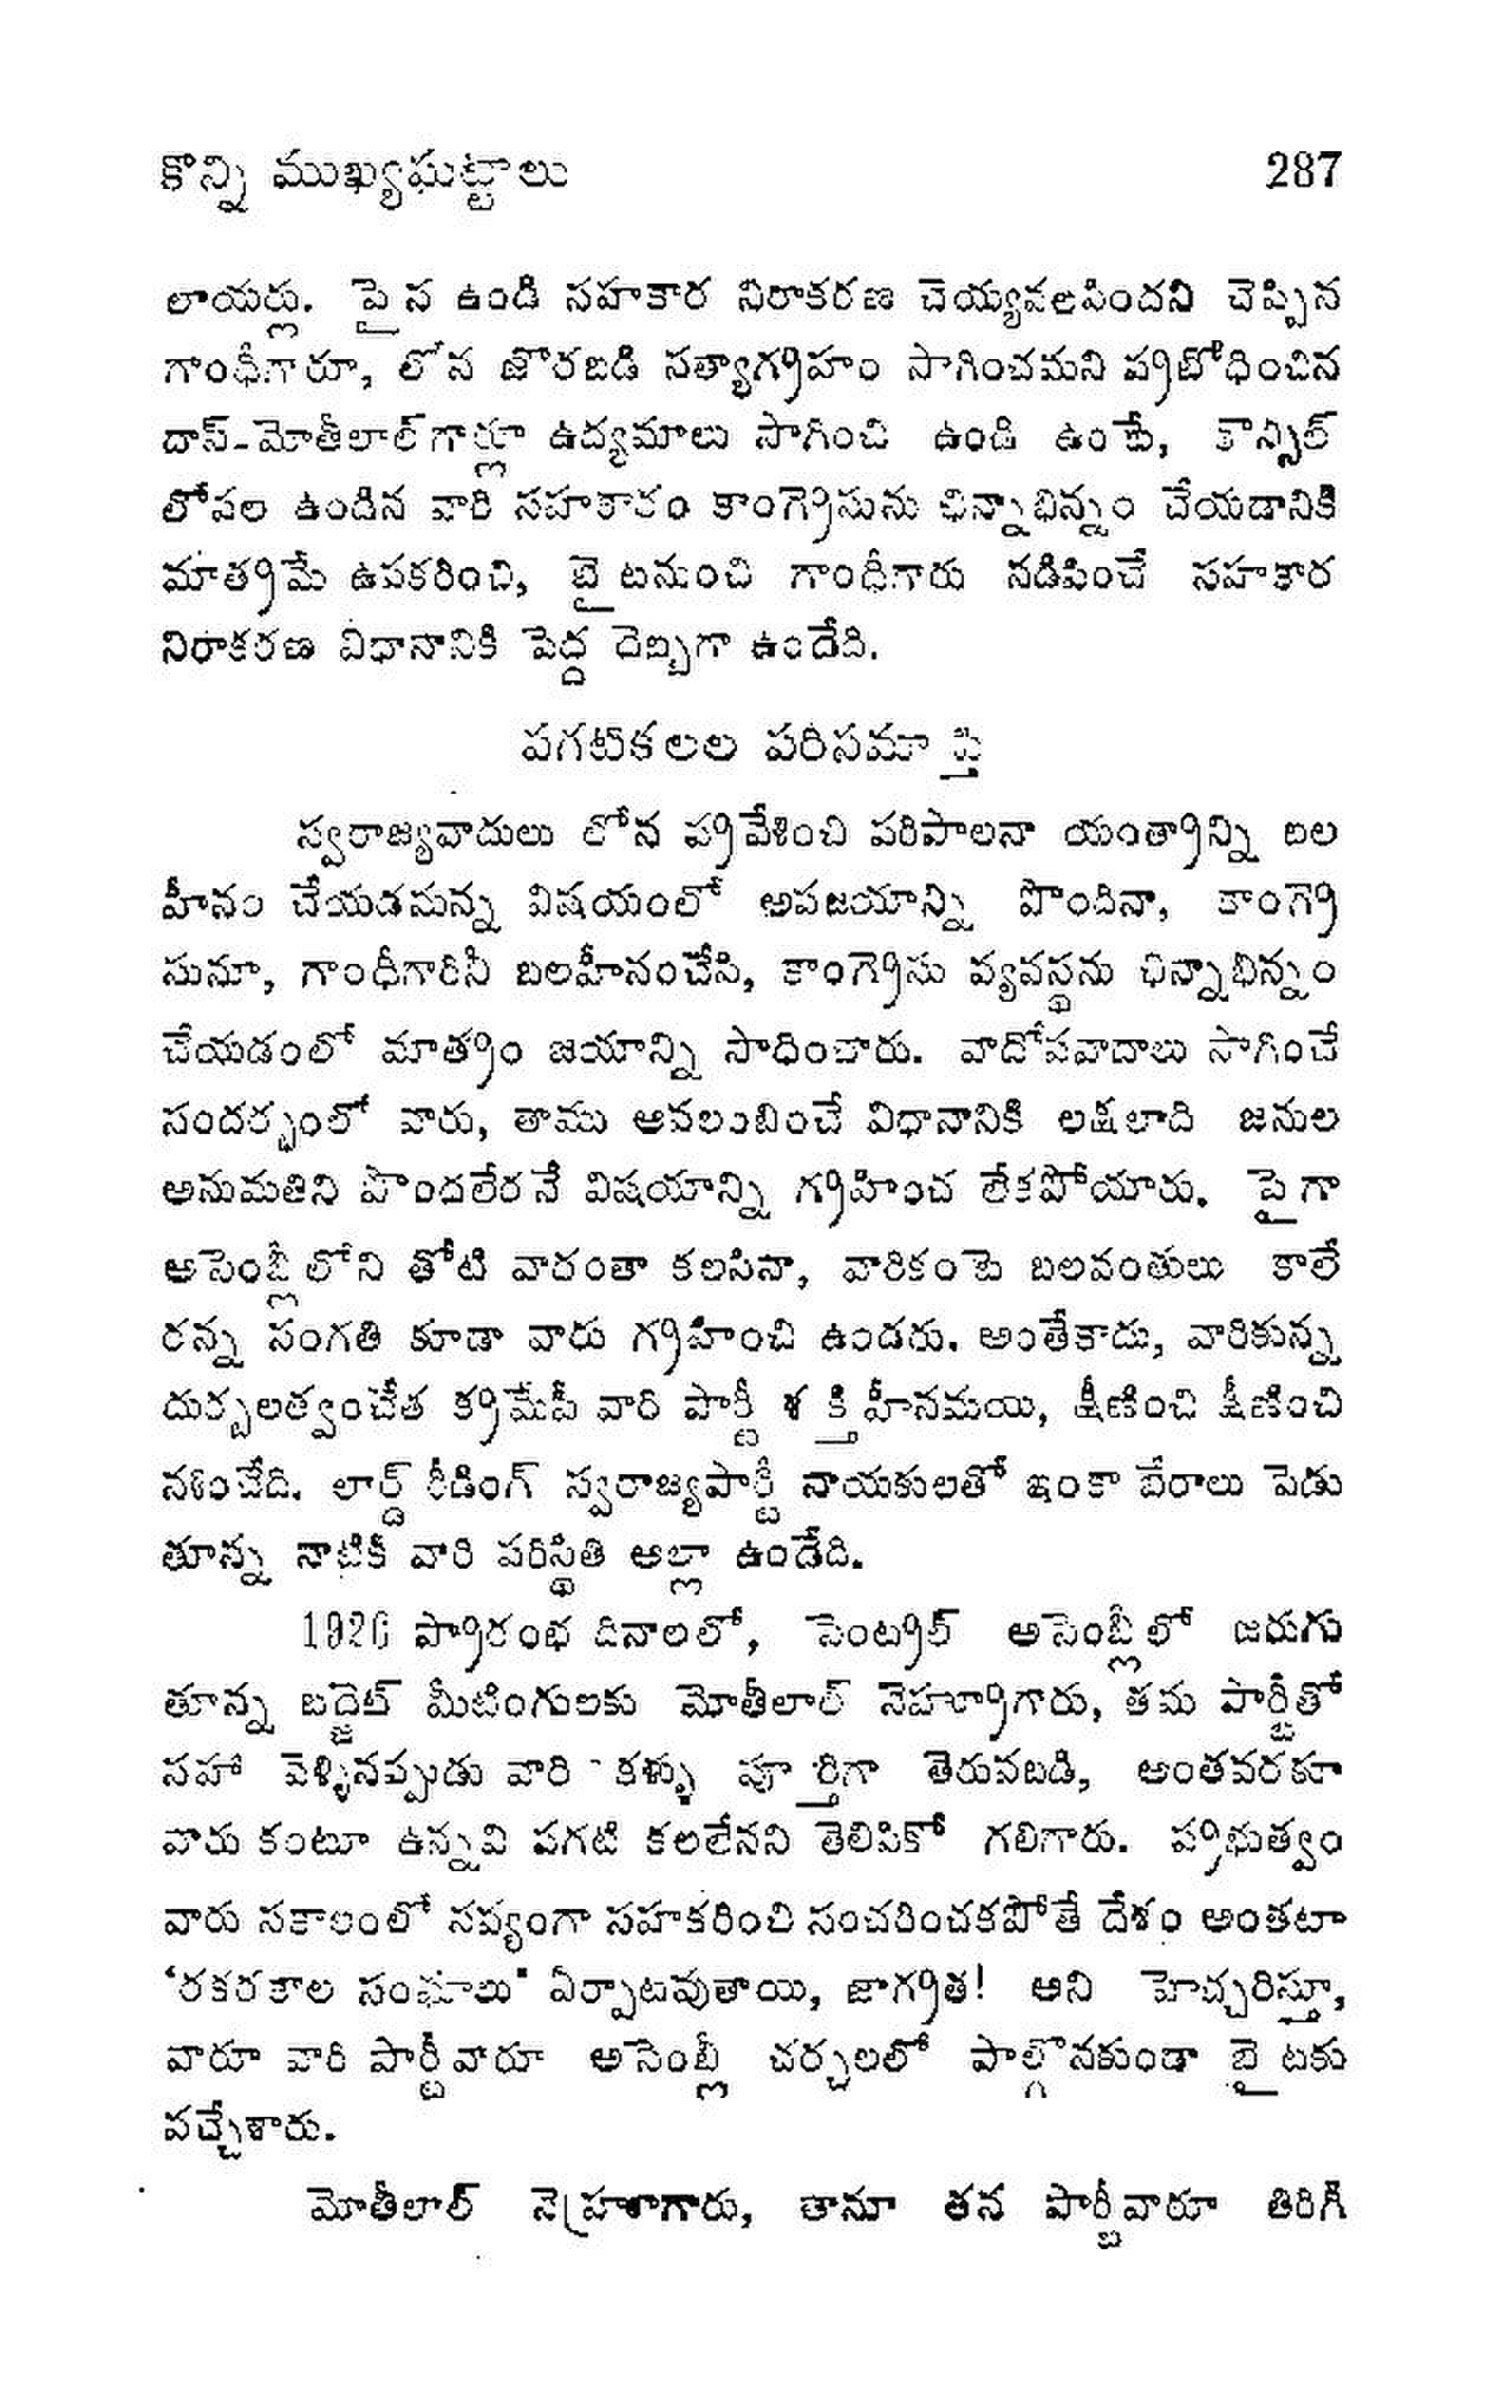లాయర్లు. పైన ఉండి సహకార నిరాకరణ చెయ్యవలసిందని చెప్పిన గాంధీగారూ, లోన జొరబడి సత్యాగ్రహం సాగించమని ప్రబోధించిన దాస్-మోతిలాల్‌గార్లూ ఉద్యమాలు సాగించి ఉండి ఉంటే, కౌన్సిల్ లోపల ఉండిన వారి సహకారం కాంగ్రెసును ఛిన్నాభిన్నం చేయడానికి మాత్రమే ఉపకరించి, బైటనుంచి గాంధీగారు నడిపించే సహకార నిరాకరణ విధానానికి పెద్ద దెబ్బగా ఉండేది.

స్వరాజ్యవాదులు లోన ప్రవేశించి పరిపాలనా యంత్రాన్ని బలహీనం చేయడమన్న విషయంలో అపజయాన్ని పొందినా, కాంగ్రెసునూ, గాంధీగారినీ బలహీనంచేసి, కాంగ్రెసు వ్యవస్థను ఛిన్నాభిన్నం చేయడంలో మాత్రం జయాన్ని సాధించారు. వాదోపవాదాలు సాగించే సందర్భంలో వారు, తాము అవలంబించే విధానానికి లక్షలాది జనుల అనుమతిని పొందలేరనే విషయాన్ని గ్రహించ లేకపోయారు. పైగా అసెంబ్లీలోని తోటి వారంతా కలసినా, వారికంటె బలవంతులు కాలేరన్న సంగతి కూడా వారు గ్రహించి ఉండరు. అంతేకాదు, వారికున్న దుర్బలత్వంచేత క్రమేపీ వారి పార్టీ శక్తిహీనమయి, క్షీణించి క్షీణించి నశించేది. లార్డ్ రీడింగ్ స్వరాజ్యపార్టీ నాయకులతో ఇంకా బేరాలు పెడుతూన్న నాటికి వారి పరిస్థితి అల్లా ఉండేది.

1926 ప్రారంభ దినాలలో, సెంట్రల్ అసెంబ్లీలో జరుగుతూన్న బడ్జెట్ మీటింగులకు మోతిలాల్ నెహ్రూగారు, తమ పార్టీతో సహా వెళ్ళినప్పుడు వారి కళ్ళు పూర్తిగా తెరువబడి , అంతవరకూ వారు కంటూ ఉన్నవి పగటి కలలేనని తెలిసికో గలిగారు. ప్రభుత్వం వారు సకాలంలో సవ్యంగా సహకరించి సంచరించకపోతే దేశం అంతటా "రకరకాల సంఘాలు" ఏర్పాటవుతాయి, జాగ్రత! అని హెచ్చరిస్తూ, వారూ వారి పార్టీ వారూ అసెంబ్లీ చర్చలలో పాల్గొనకుండా బైటకు వచ్చేశారు.

మోతిలాల్ నెహ్రూగారు, తానూ తన పార్టీవారూ తిరిగీ